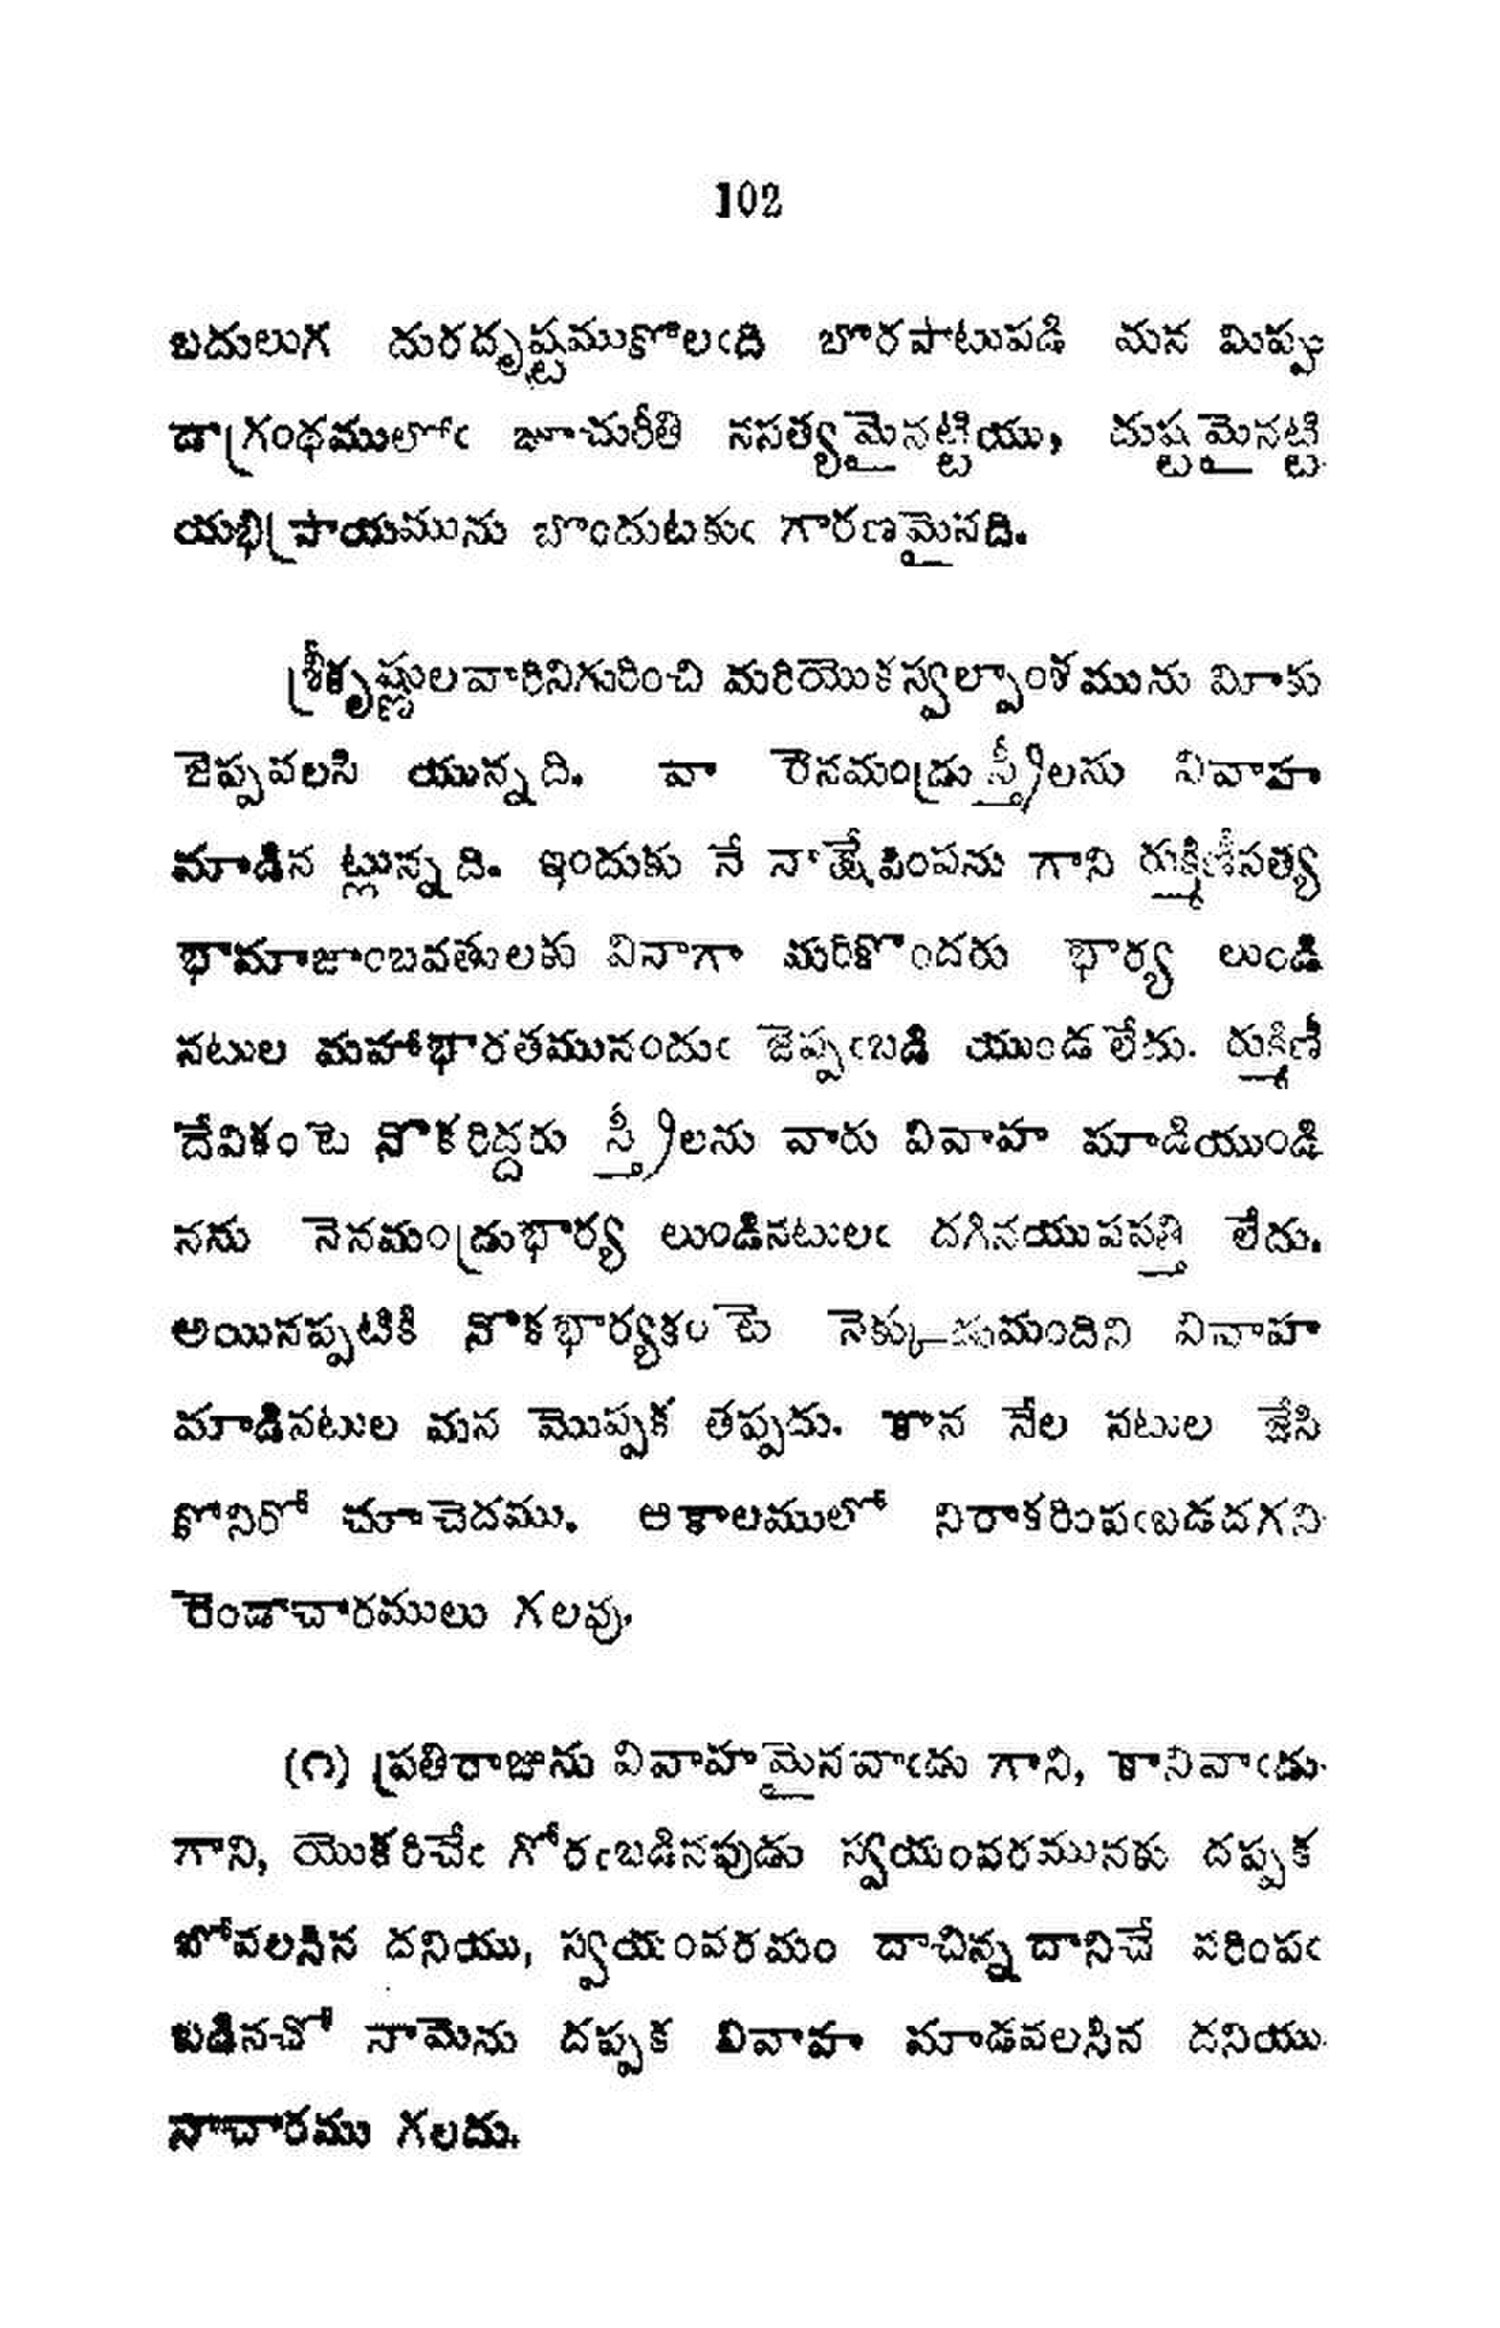బదులుగ దురదృష్టముకొలఁది. బొరపాటుపడి మన మిప్పు డాగ్రంథములోఁ జూచురీతి ససత్యమైనట్టియు, దుష్టమైనట్టి యభిప్రాయమును బొందుటకుఁ గారణమైనది.

శ్రీకృష్ణులవారినిగురించి మరియొకస్వల్పాంశమును మీకు జెప్పవలసి యున్నది. వా రెనమండ్రుస్త్రీలను వివాహమాడిన ట్లున్నది. ఇందుకు నే నాక్షేపింపను గాని రుక్మిణీసత్యభామాజాంబవతులకు వినాగా మరికొందరు భార్య లుండినటుల మహాభారతమునందుఁ జెప్పఁబడి యుండలేదు. రుక్మిణీదేవికంటె నొకరిద్దరు స్త్రీలను వారు వివాహ మాడియుండినను నెనమండ్రుభార్య లుండినటులఁ దగినయుపపత్తి లేదు. అయినప్పటికి నొక భార్యకంటె నెక్కుడుమందిని వివాహమాడినటుల మన మొప్పక తప్పదు. కాన నేల నటుల జేసికొనిరో చూచెదము. ఆకాలములో నిరాకరింపఁబడదగని రెండాచారములు గలవు,

(1) ప్రతిరాజును వివాహమైనవాఁడు గాని, కానివాఁడు గాని, యొకరిచేఁ గోరఁబడినపుడు స్వయంవరమునకు దప్పక బోవలసిన దనియు, స్వయంవరమం దాచిన్నదానిచే వరింపఁ బడినచో నామెను దప్పక వివాహ మాడవలసిన దనియు నాచారము గలదు.